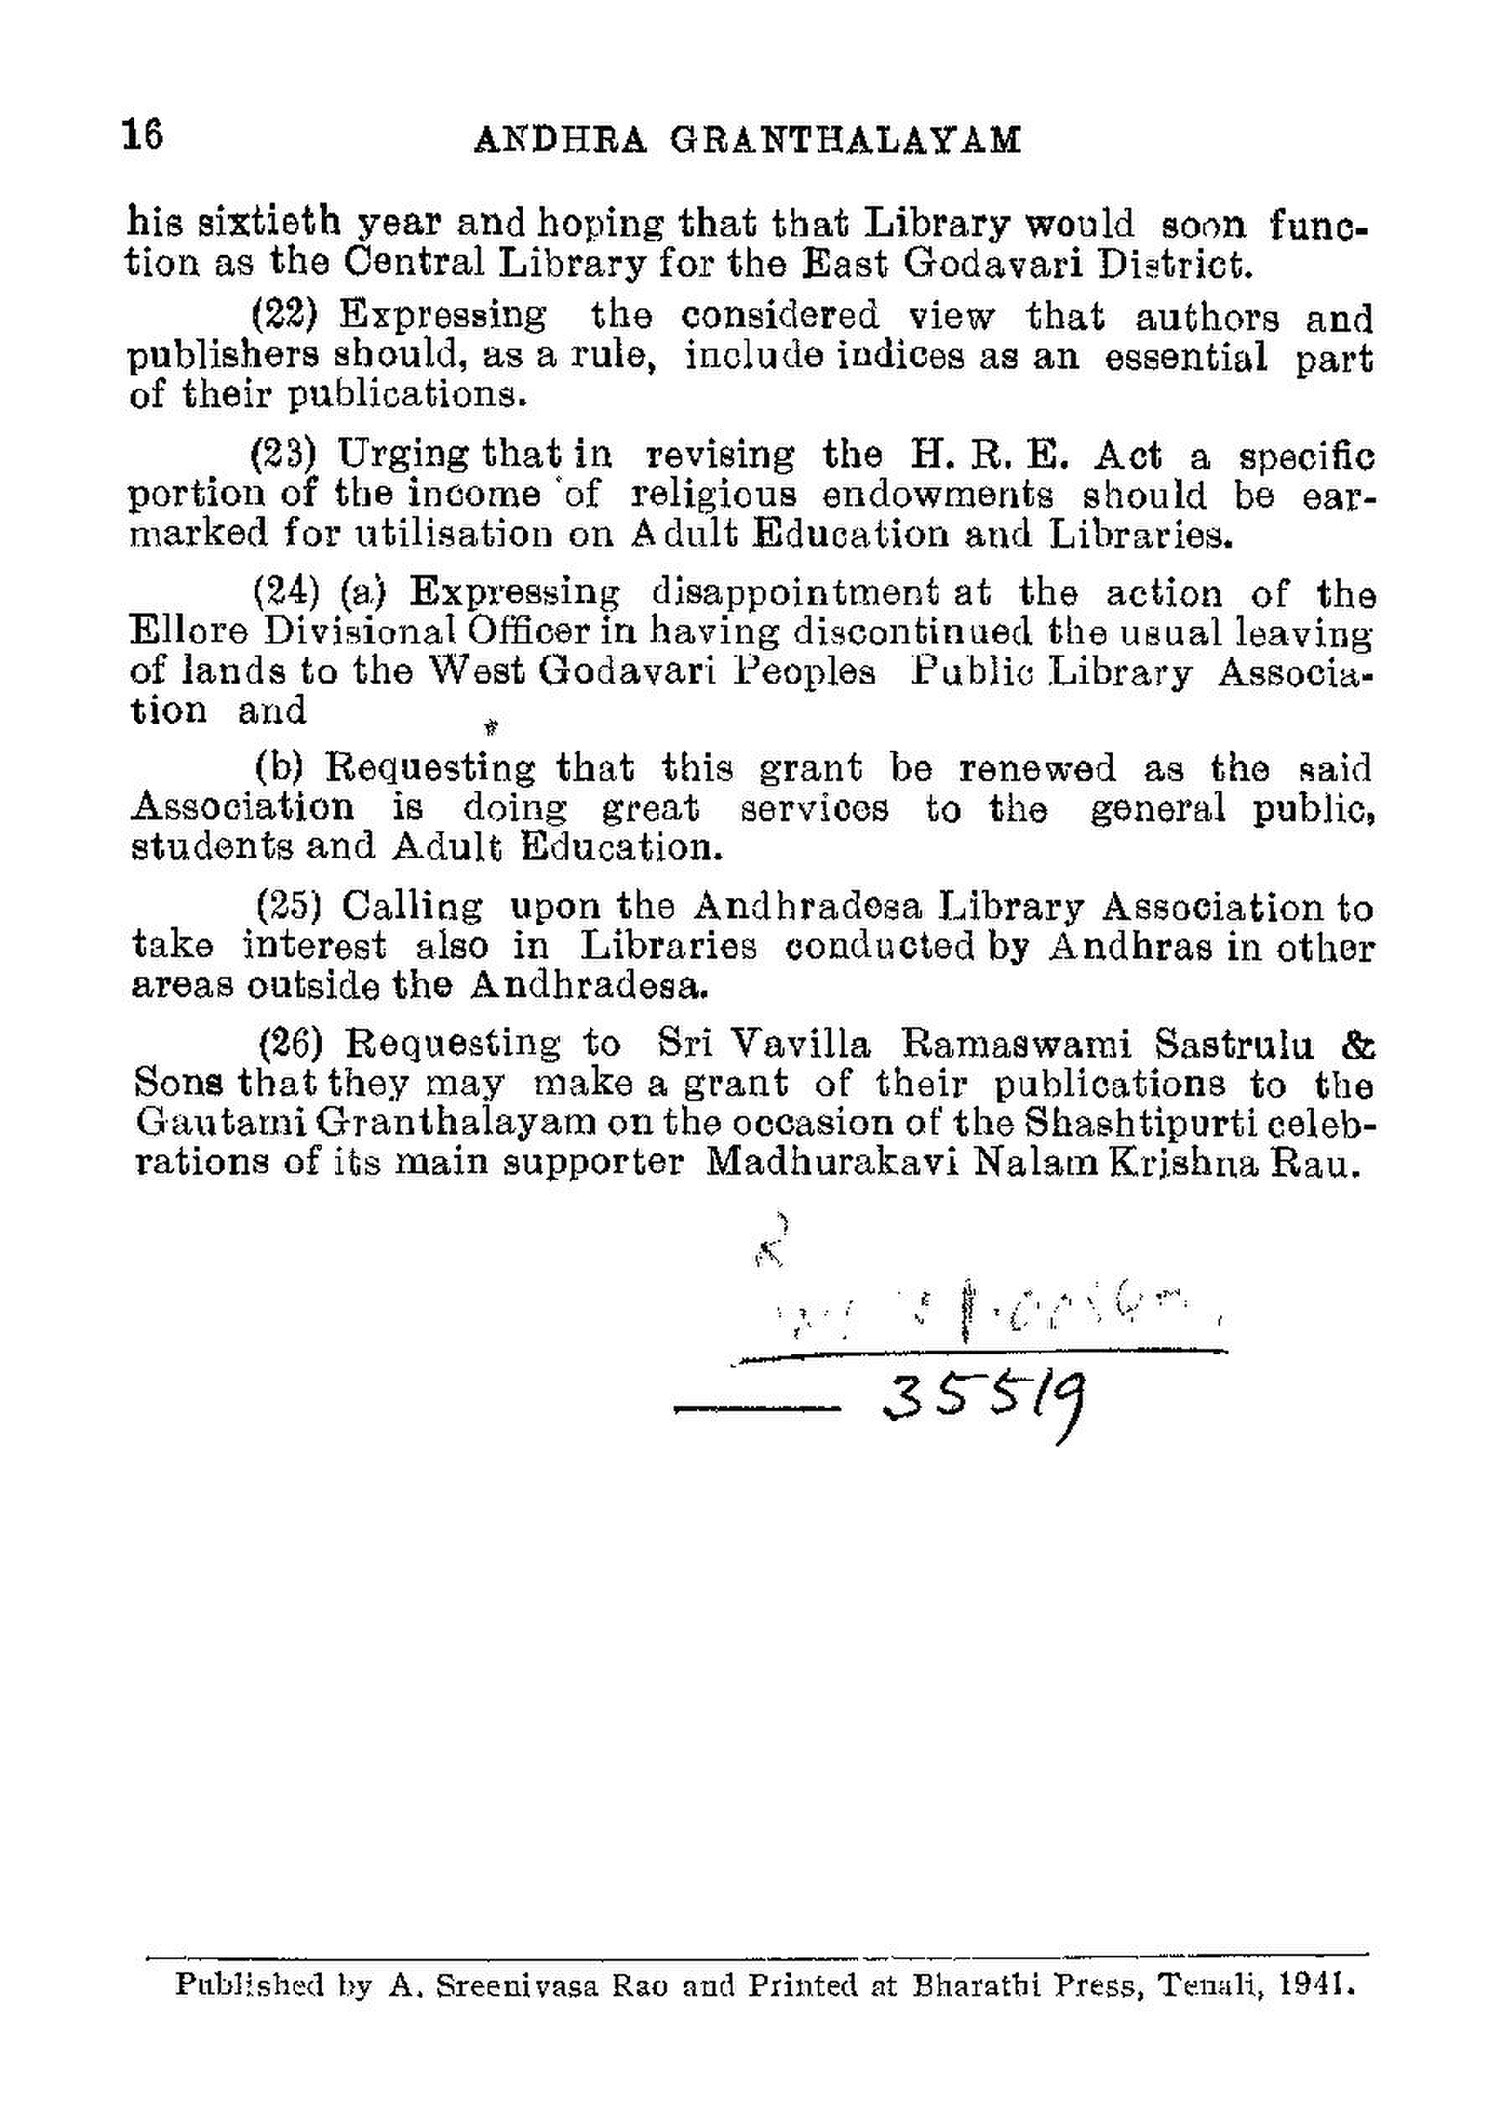his sixtieth year and hoping that that Library would soon function as the Central Library for the 
East Godavari District.

(22) Expressing the considered view that authors and publishers should, as a rule, include indices 
as an essential part of their publications.

(23) Urging that in revising the H. R. E. Act a specific portion of the income of religious 
endowments should be earmarked for utilization on Adult Education and Libraries.

(24)(a) Expressing disappointment at the action of the Ellore Divisional Officer in having 
discontinued the usual leaving of lands to the West Godavari Peoples Public Library 
Association and
(b) Requesting that this grant be renewed as the said Association is doing great services to the general public, students and Adult Education.

(25) Calling upon the Andhradesa Library Association to take interest also in Libraries conducted 
by Andhras in other areas outside the Andhradesa.

(26) Requesting to Sri Vavilla Ramaswami Sastrulu & Sons that they may make a grant of their 
publications to the Gautami Granthalayam on the occasion of the Shashtipurti celebrations of 
its main supporter Madhurakavi Nalam Krishna Rao.